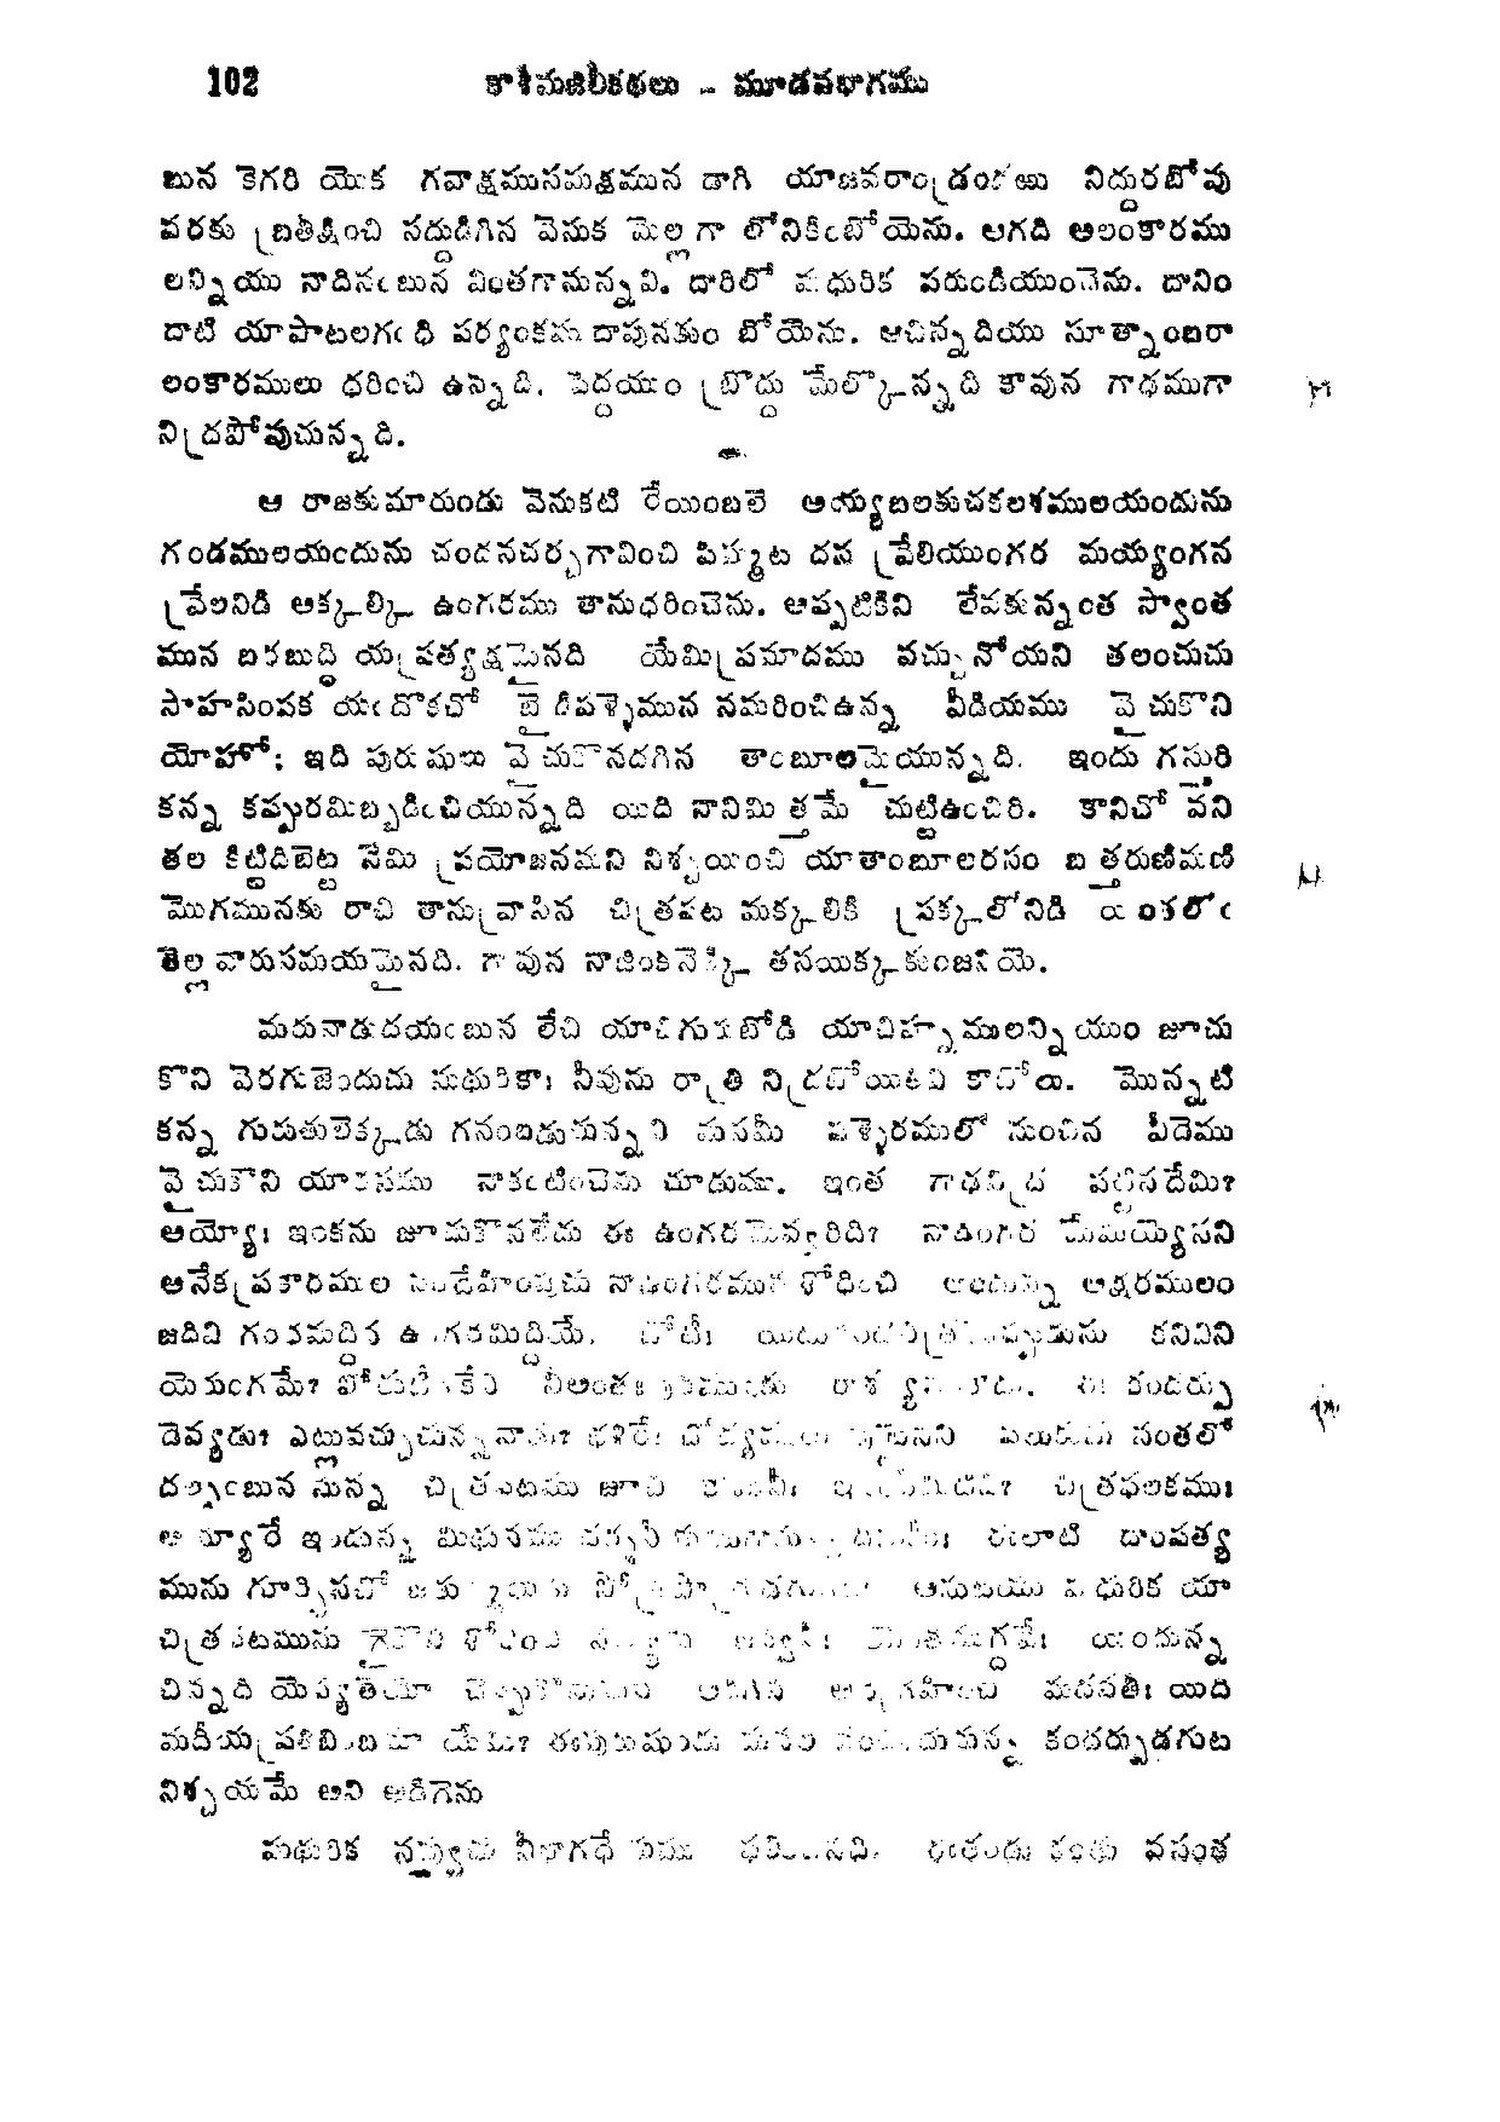బున కెగరి యొక గవాక్షముసమక్షమున డాగి యాజవరాండ్రందఱు నిద్దురబోవు వరకు బ్రతీక్షించి సద్దుడిగిన వెనుక మెల్లగా లోనికిఁబోయెను. ఆగది అలంకారములన్నియు నాదినంబున వింతగానున్నవి. దారిలో మధురిక పరుండియుండెను. దానిం దాటి యాపాటలగంధి పర్యంకము దాపునకుం బోయెను. ఆచిన్నదియు నూత్నాంబరాలంకారములు ధరించి ఉన్నది. పెద్దయుం బ్రొద్దు మేల్కొన్నది కావున గాఢముగా నిద్రపోవుచున్నది.

ఆ రాజకుమారుండు వెనుకటి రేయింబలె అయ్యబలకుచకలశములయందును గండములయందును చందనచర్చగావించి పిమ్మట దన వ్రేలియుంగర మయ్యంగన వ్రేలనిడి అక్కల్కి ఉంగరము తానుధరించెను. అప్పటికిని లేవకున్నంత స్వాంతమున బరబుద్ధి యప్రత్యక్షమైనది యేమిప్రమాదము వచ్చునోయని తలంచుచు సాహసింపక యందొకచో బైడిపళ్ళెమున నమరించిఉన్న వీడియము వైచుకొని యోహో: ఇది పురుషులు వైచుకొనదగిన తాంబూలమైయున్నది. ఇందు గస్తురి కన్న కప్పుర మిబ్బడించియున్నది యిది నానిమిత్తమే చుట్టిఉంచిరి. కానిచో వనితల కిట్టిదిబెట్ట నేమి ప్రయోజనమని నిశ్చయించి యాతాంబూలరసం బత్తురుణిమణి మొగమునకు రాచి తానువ్రాసిన చిత్రపట మక్కలికి ప్రక్కలో'నిడి యింతలోఁ తెల్లవారుసమయమైనది. గావున నాజింకనెక్కి తనయిక్కకుంజనియె.

మరునాడుదయంబున లేచి యాచిగురుబోడి యాచిహ్నములన్నియుం జూచుకొని వెరగుజెందుచు మధురికా! నీవును రాత్రి నిద్రబోయితివి కాబోలు. మొన్నటి కన్న గురుతులెక్కుడు గనంబడుచున్నవి మనమీ పళ్ళెరములో నుంచిన వీడెము వైచుకొని యారసము నాకంటించెను చూడుము. ఇంత గాఢనిద్ర పట్టినదేమి? అయ్యో! ఇంకను జూచుకొనలేదు ఈ ఉంగరమెవ్వరిది? నాఉంగర మేమయ్యెనని
అనేకప్రకారముల సందేహింపుచు నా ఉంగరమును శోధించి అందున్న అక్షరములం జదివి గంధమద్దిన ఉంగరమిద్దియే. బోటీ! యిటువంటిచిత్రమెప్పుడును కనివిని యెరుంగమే? పోతుటీగకేని నీఅంతఃపురమునకు రాశక్యము కాదు. ఈ కందర్పు డెవ్వడు? ఎట్లువచ్చుచున్నవాడు? భళిరే! చోద్యములు పుట్టెనని పలుకుచు నంతలో దల్పంబున నున్న చిత్రపటము జూచి కామినీ ఇదియేమిటిది? చిత్రఫలకము! అయ్యారే ఇందున్న మిథునము దర్శనీయముగానున్నదిసుమీ! ఈలాటి దాంపత్యమును గూర్చినచో చతుర్ముఖుడు స్తోత్రపాత్రు డగును. అనుటయు మధురిక యాచిత్రపటమును గైకొని శోధించి .... జవ్వనీ! యెంతముగ్ధవే! యిందున్న చిన్నది యెవ్వతెయో చెప్పుకొనుమని యడిగిన అది గ్రహించి మదవతీ! యిది మదీయప్రతిబింబమా యేమి? ఈపురుషుడు మనల వంచించుచున్న కందర్పుడగుట నిశ్చయమే అని అడిగెను

మథురిక నవ్వుచు నీభాగధేయము ఫలించినది. ఈతండు కంతు వసంత